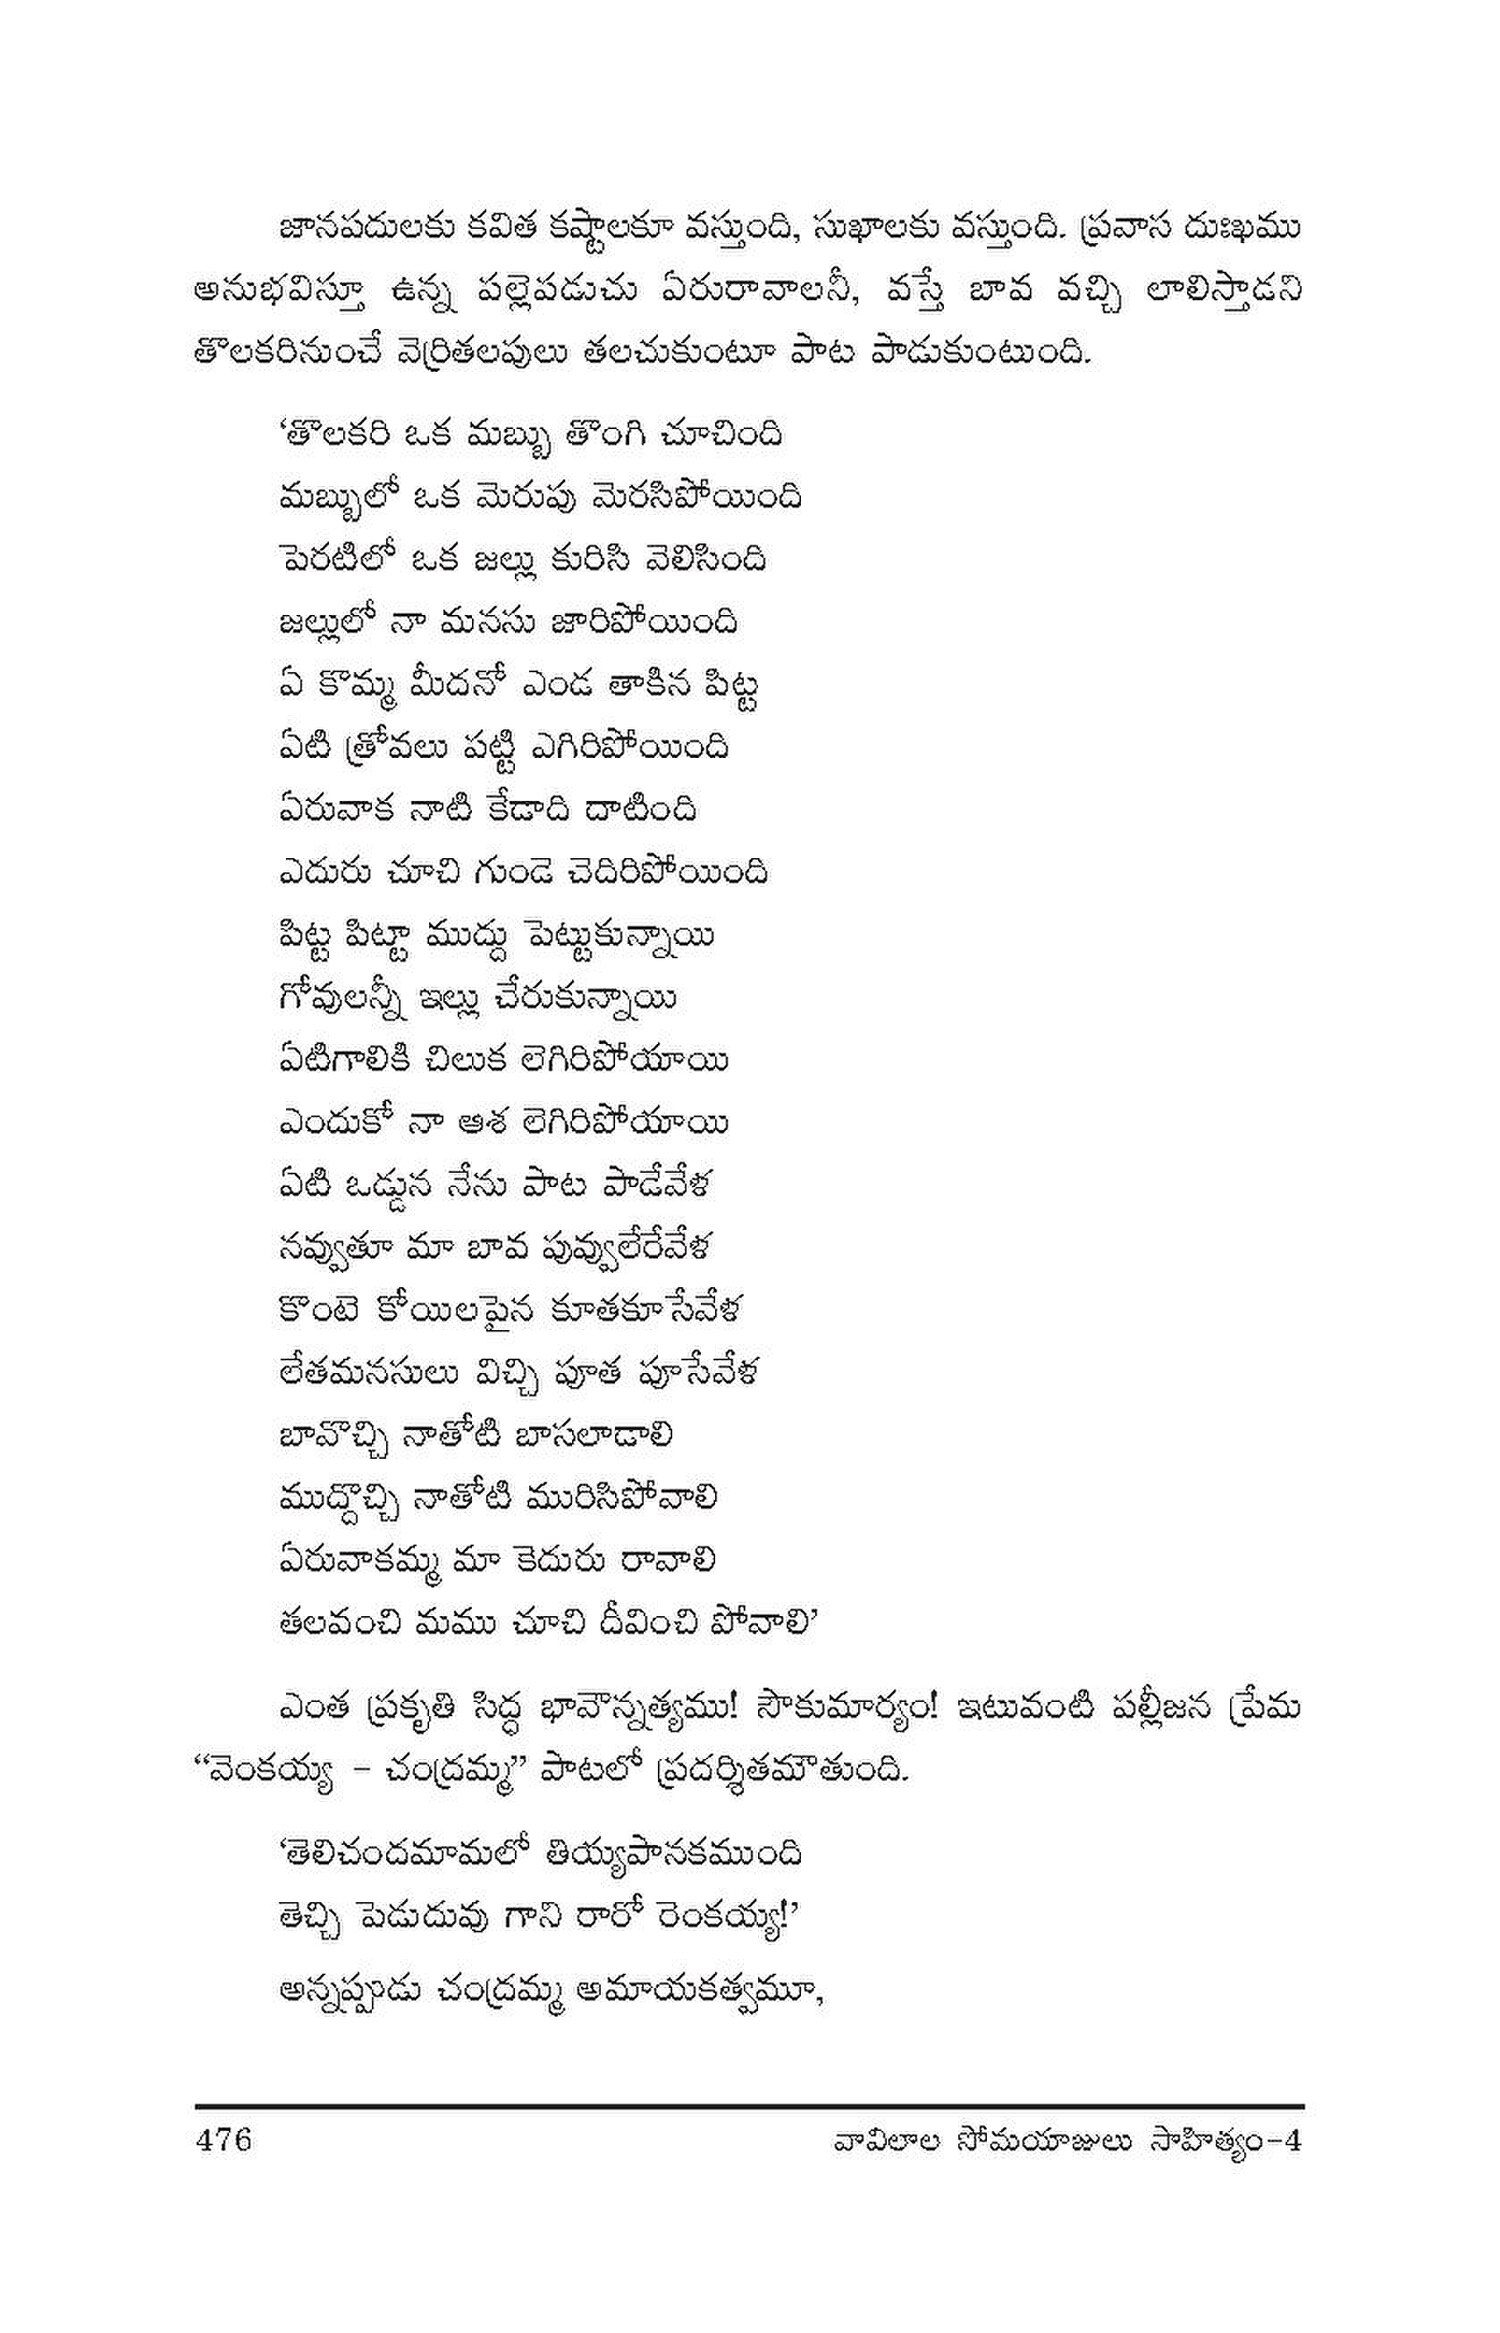జానపదులకు కవిత కష్టాలకూ వస్తుంది, సుఖాలకు వస్తుంది. ప్రవాస దుఃఖము
అనుభవిస్తూ ఉన్న పల్లెపడుచు ఏరురావాలనీ, వస్తే బావ వచ్చి లాలిస్తాడని
తొలకరినుంచే వెర్రితలపులు తలచుకుంటూ పాట పాడుకుంటుంది.

'తొలకరి ఒక మబ్బు తొంగి చూచింది
మబ్బులో ఒక మెరుపు మెరసిపోయింది
పెరటిలో ఒక జల్లు కురిసి వెలిసింది.
జల్లులో నా మనసు జారిపోయింది
ఏ కొమ్మ మీదనో ఎండ తాకిన పిట్ట
ఏటి త్రోవలు పట్టి ఎగిరిపోయింది
ఏరువాక నాటి కేడాది దాటింది
ఎదురు చూచి గుండె చెదిరిపోయింది
పిట్ట పిట్టా ముద్దు పెట్టుకున్నాయి
గోవులన్నీ ఇల్లు చేరుకున్నాయి
ఏటిగాలికి చిలుక లెగిరిపోయాయి
ఎందుకో నా ఆశ లెగిరిపోయాయి
ఏటి ఒడ్డున నేను పాట పాడేవేళ
నవ్వుతూ మా బావ పువ్వులేరేవేళ
కొంటె కోయిలపైన కూతకూ సేవేళ
లేతమనసులు విచ్చి పూత పూసేవేళ
బావొచ్చి నాతోటి బాసలాడాలి
ముద్దోచ్చి నాతోటి మురిసిపోవాలి
ఏరువాకమ్మ మా కెదురు రావాలి
తలవంచి మము చూచి దీవించి పోవాలి'

ఎంత ప్రకృతి సిద్ధ భావౌన్నత్యము! సౌకుమార్యం! ఇటువంటి పల్లిజన ప్రేమ
“వెంకయ్య - చంద్రమ్మ” పాటలో ప్రదర్శితమౌతుంది.

'తెలిచందమామలో తియ్యపానకముంది
తెచ్చి పెడుదువు గాని రారో రెంకయ్య!'
అన్నప్పుడు చంద్రమ్మ అమాయకత్వమూ,